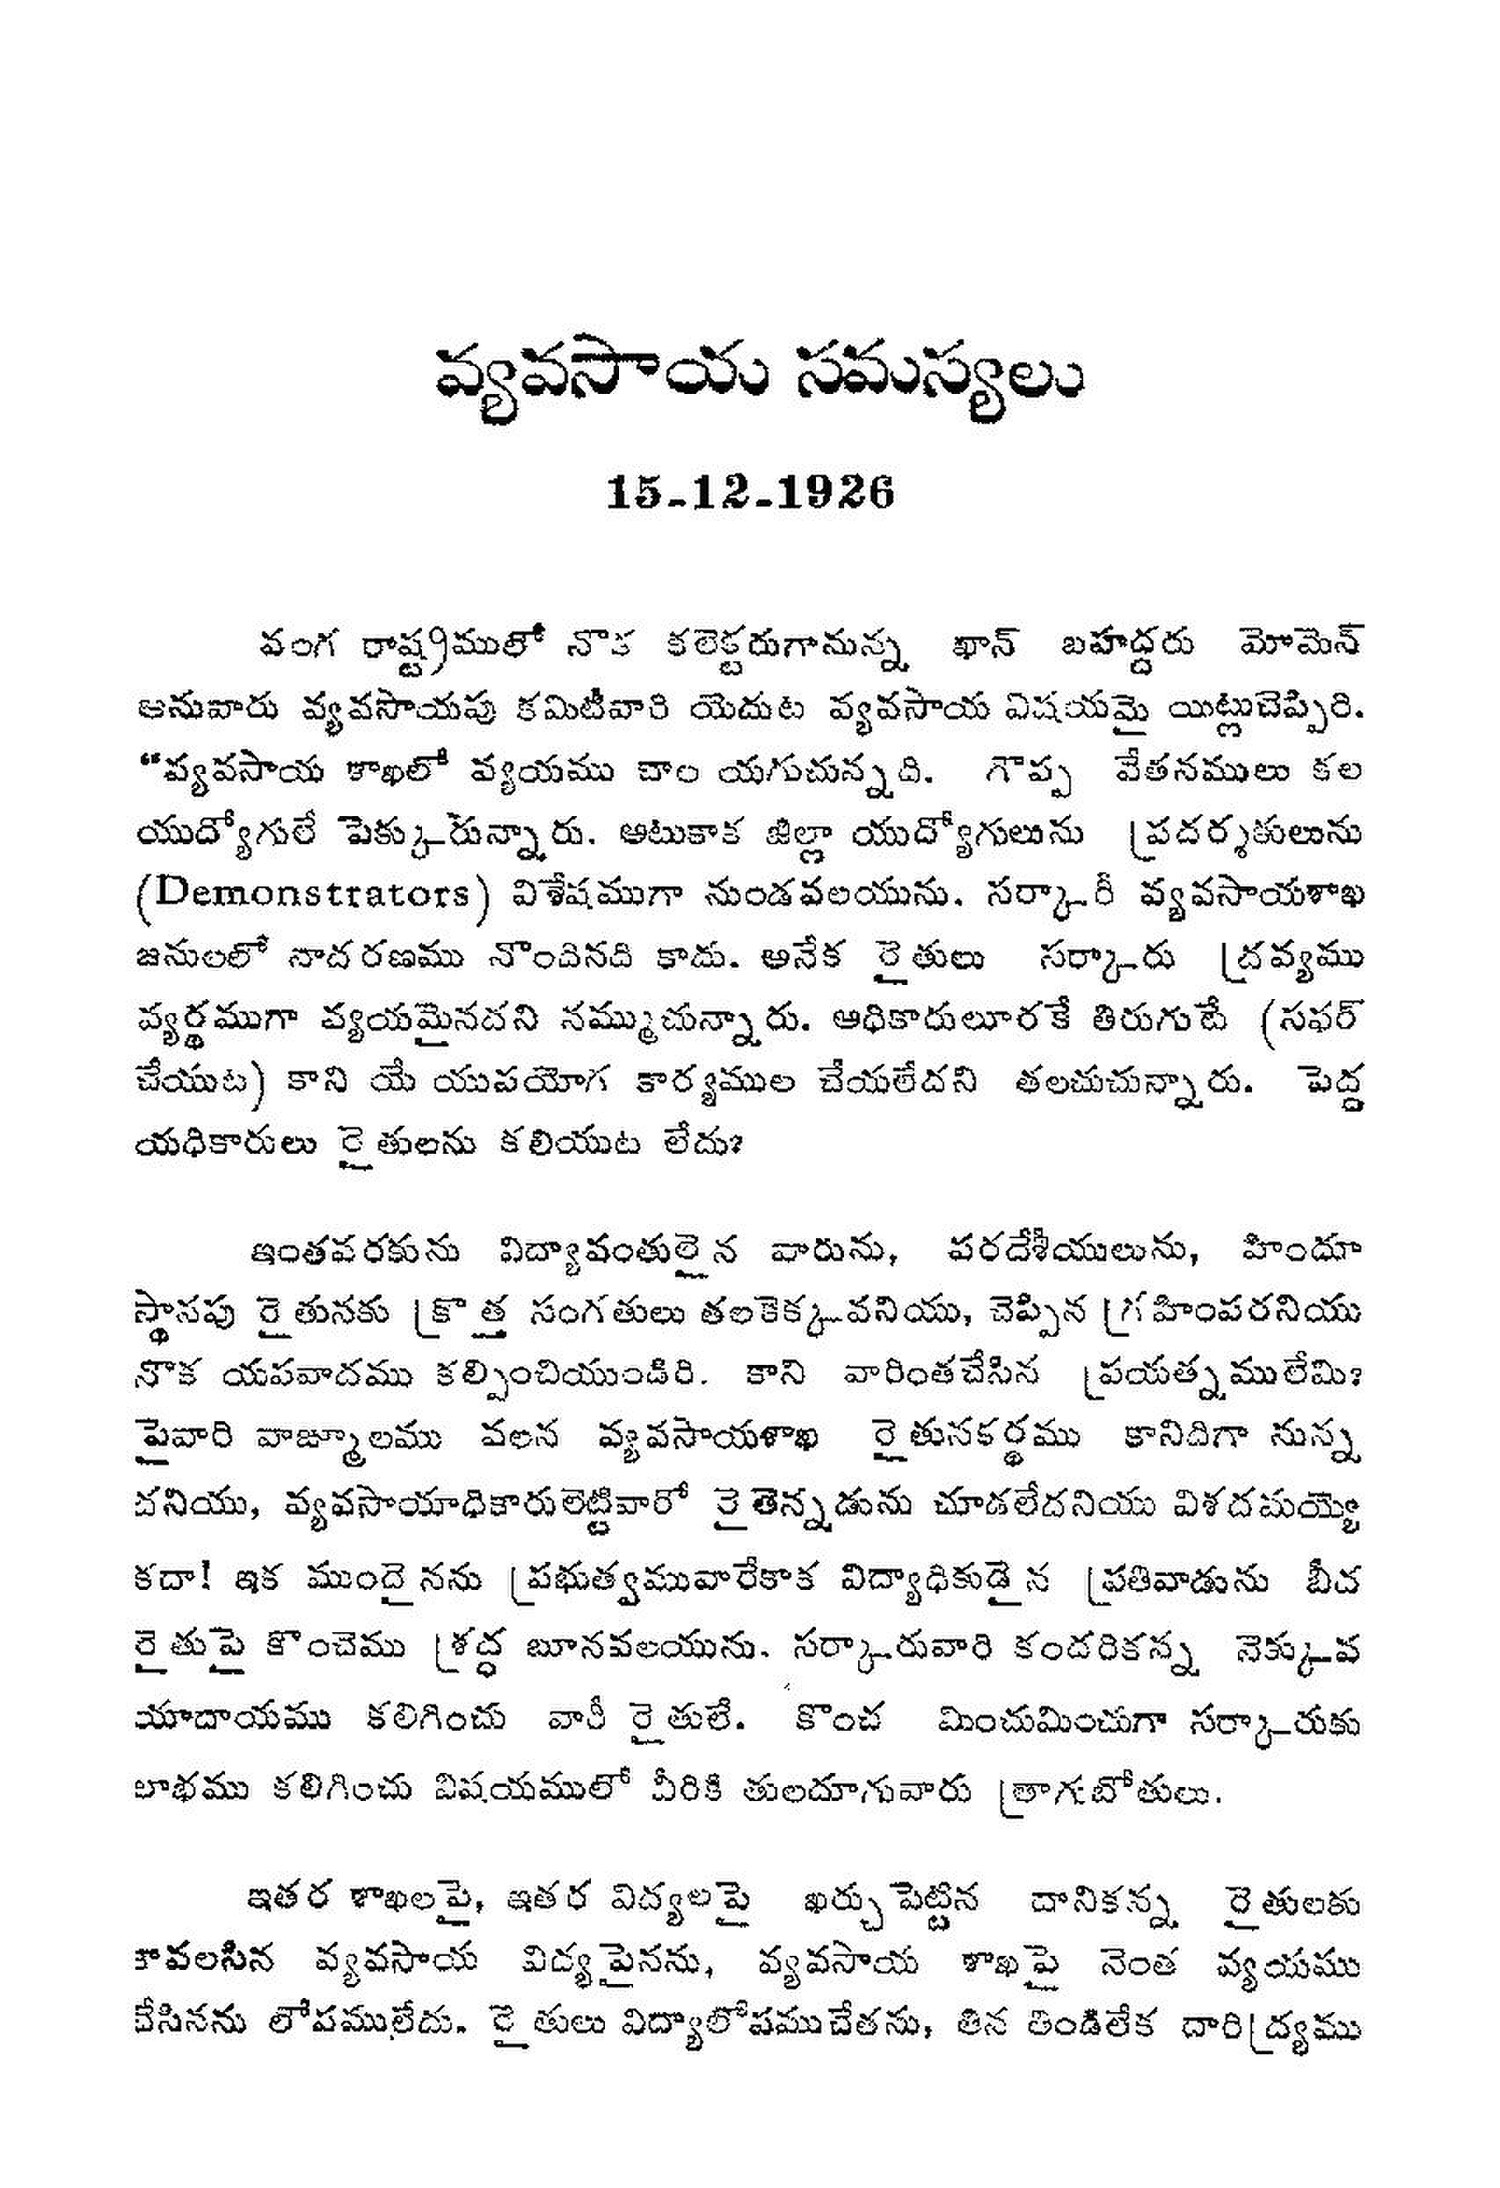వ్యవసాయ సమస్యలు

15-12-1926

వంగ రాష్ట్రములో నొక కలెక్టరుగానున్న ఖాన్ బహద్దరు మోమెన్ అనువారు వ్యవసాయపు కమిటీవారి యెదుట వ్యవసాయ విషయమై యిట్లుచెప్పిరి. "వ్యవసాయ శాఖలో వ్యయము చాల యగుచున్నది. గొప్ప వేతనములు కల
యుద్యోగులే పెక్కురున్నారు. అటుకాక జిల్లా యుద్యోగులును ప్రదర్శకులును (Demonstrators) విశేషముగా నుండవలయును. సర్కారీ వ్యవసాయశాఖ జనులలో నాదరణము నొందినది కాదు. అనేక రైతులు సర్కారు ద్రవ్యము
వ్యర్థముగా వ్యయమైనదని నమ్ముచున్నారు. అధికారులూరకే తిరుగుటే (సఫర్ చేయుట) కాని యే యుపయోగ కార్యముల చేయలేదని తలచుచున్నారు. పెద్ద యధికారులు రైతులను కలియుట లేదు?

ఇంతవరకును విద్యావంతులైన వారును, పరదేశీయులును, హిందూస్థానపు రైతునకు క్రొత్త సంగతులు తలకెక్కవనియు, చెప్పిన గ్రహింపరనియు నొక యపవాదము కల్పించియుండిరి. కాని వారింతచేసిన ప్రయత్నములేమి? పైవారి వాఙ్మూలము వలన వ్యవసాయశాఖ రైతునకర్థము కానిదిగా నున్నదనియు, వ్యవసాయాధికారులెట్టివారో రైతెన్నడును చూడలేదనియు విశదమయ్యే కదా! ఇక ముందై నను ప్రభుత్వమువారేకాక విద్యాధికుడైన ప్రతివాడును బీదరైతుపై కొంచెము శ్రద్ధ బూనవలయును. సర్కారువారి కందరికన్న నెక్కువ
యాదాయము కలిగించు వారీ రైతులే. కొంచ మించుమించుగా సర్కారుకు లాభము కలిగించు విషయములో వీరికి తులదూగువారు త్రాగుబోతులు.

ఇతర శాఖలపై, ఇతర విద్యలపై ఖర్చు పెట్టిన దానికన్న రైతులకు కావలసిన వ్యవసాయ విద్యపైనను, వ్యవసాయ శాఖపై నెంత వ్యయము చేసినను లోపములేదు. రైతులు విద్యాలోపముచేతను, తిన తిండిలేక దారిద్ర్యము